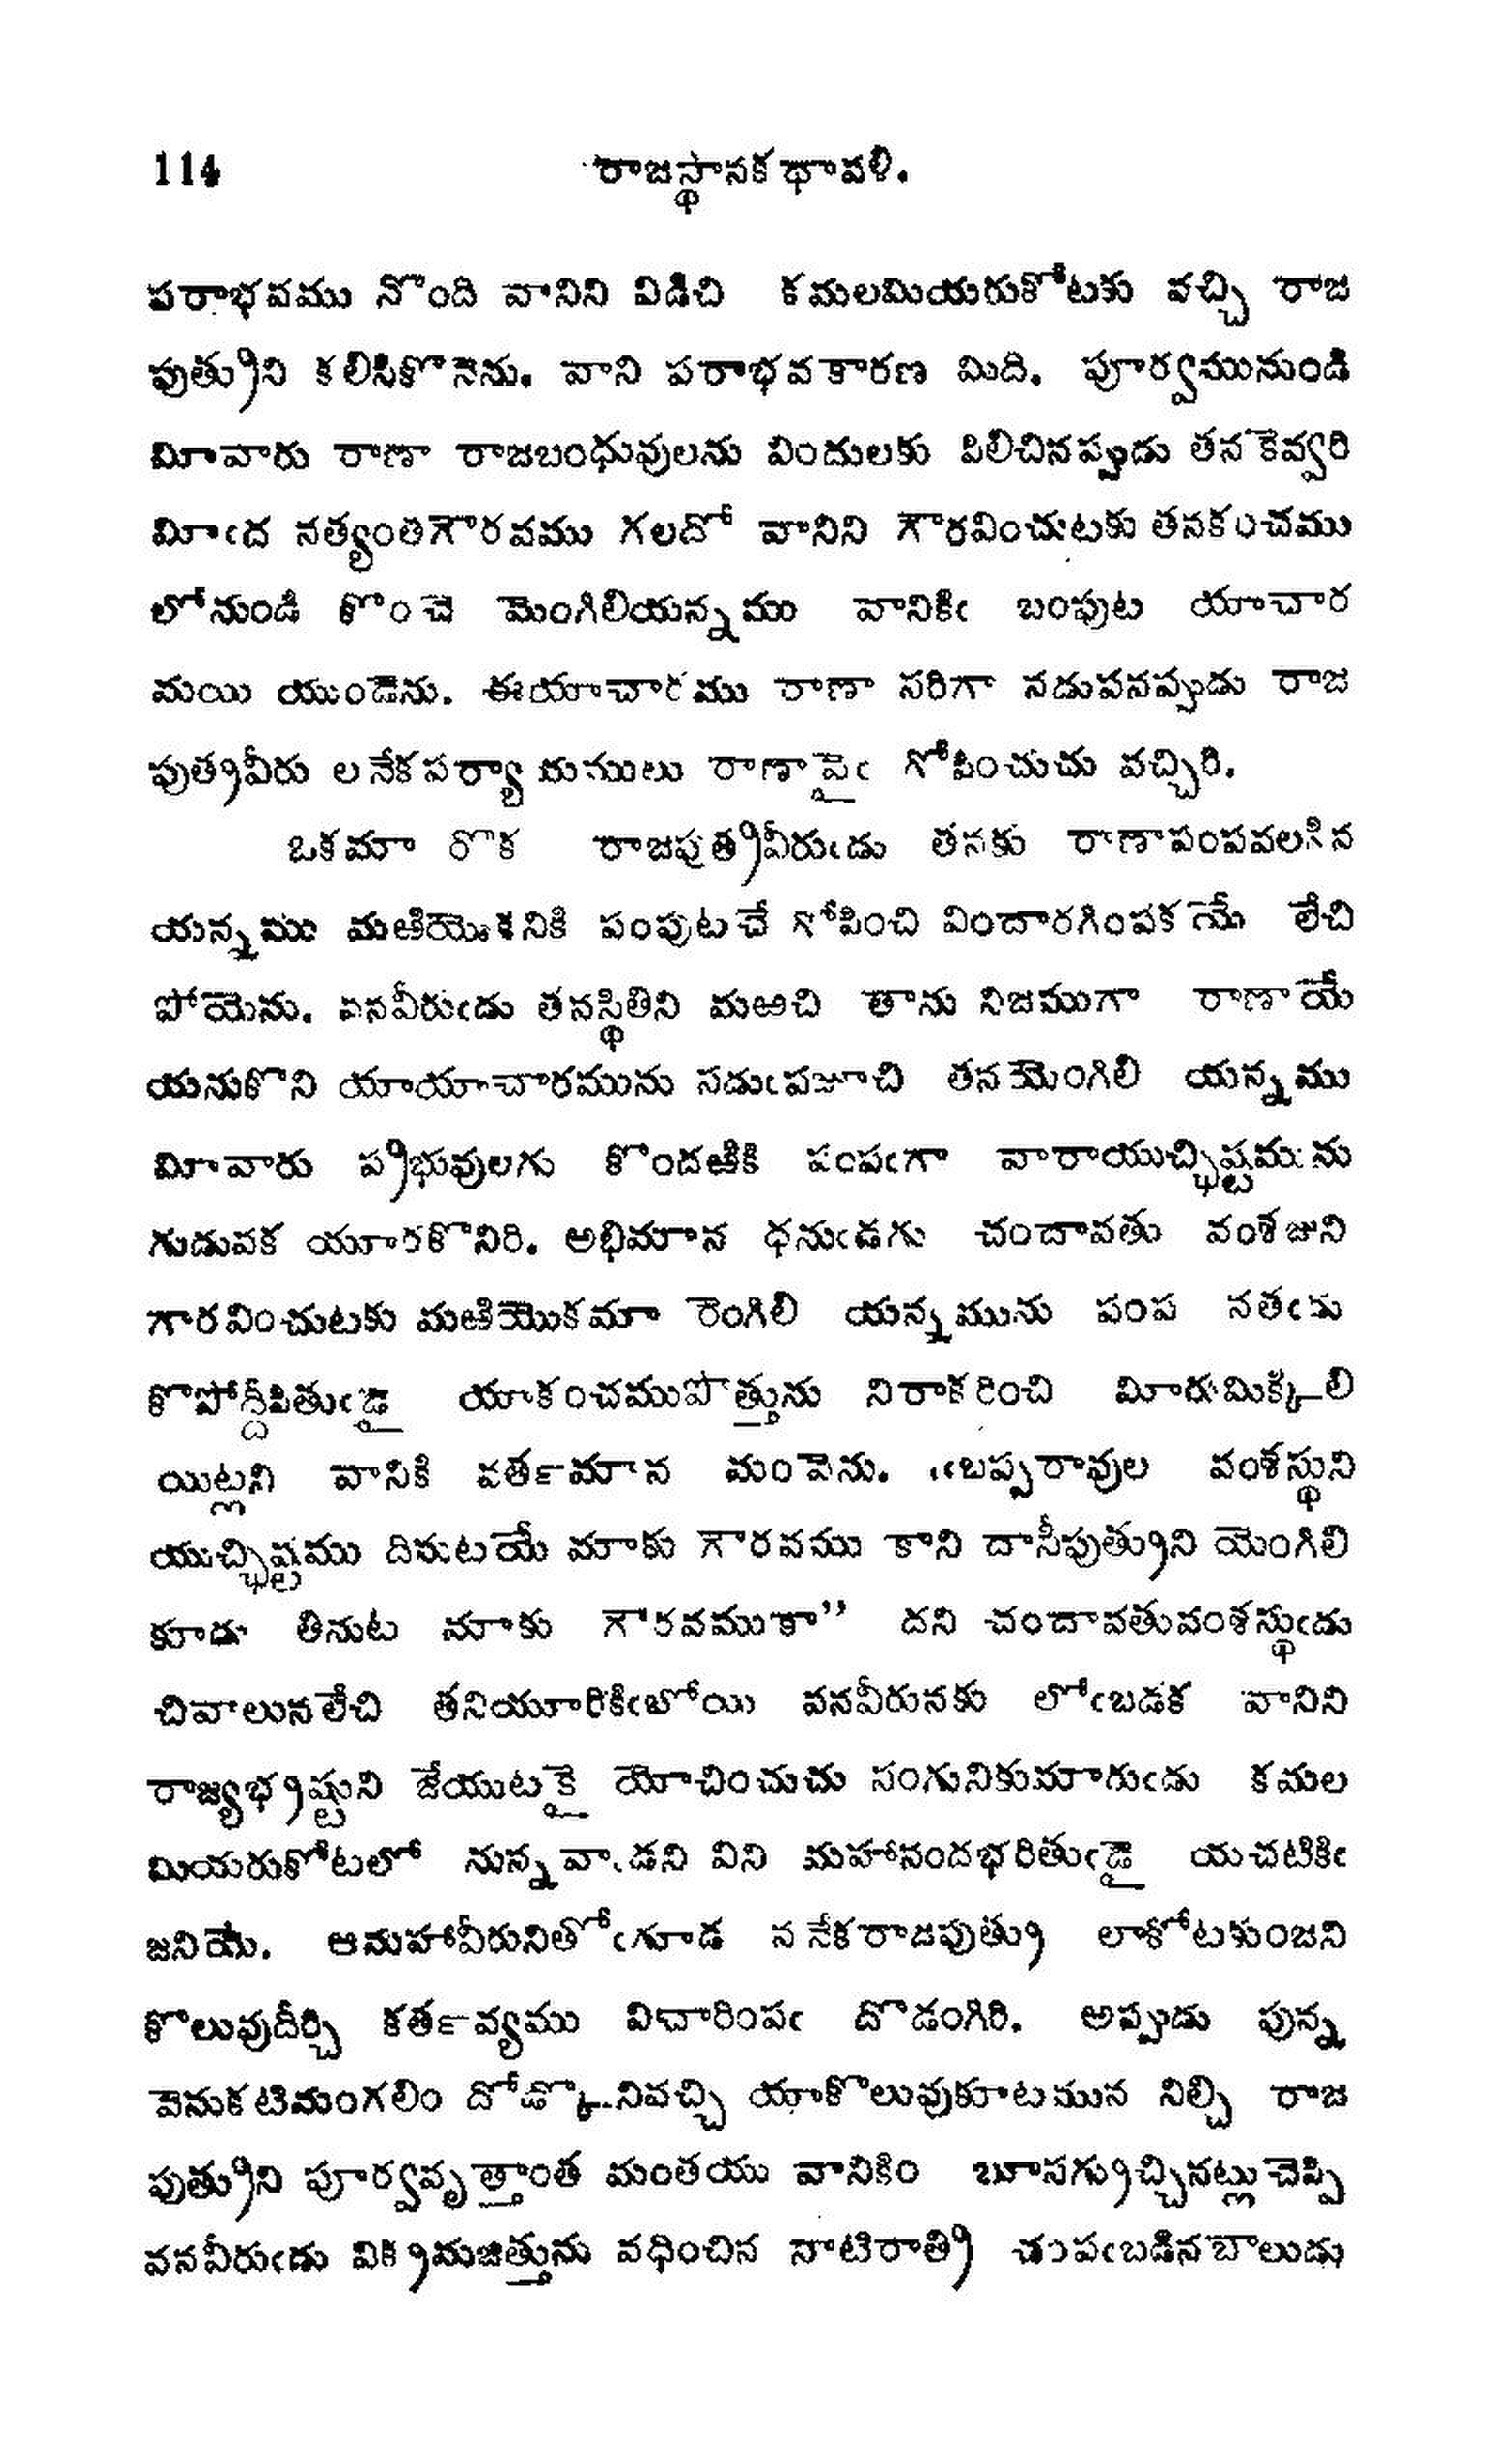పరాభవము నొంది వానిని విడిచి కమలమియరుకోటకు వచ్చి రాజపుత్రుని కలిసికొనెను. వాని పరాభవ కారణ మిది. పూర్వమునుండి
మీవారు రాణా రాజబంధువులను విందులకు పిలిచినప్పుడు తన కెవ్వరి మీఁద నత్యంత గౌరవము గలదో వానిని గౌరవించుటకు తనకంచము లోనుండి కొంచె మెంగిలియన్నము వానికిఁ బంపుట యచారమయి యుండెను. ఈయచారము రాణా సరిగా నడుపనప్పుడు రాజపుత్ర వీరు లనేక పర్యాయములు రాణాపైఁ గోపించుచు వచ్చిరి.

ఒకమా రొక రాజపుత్ర వీరుఁడు తనకు రాణా పంపవలసిన యన్నము మఱియొకనికి పంపుటచే గోపించి విందారగింపకయే లేచి పోయెను, వనవీరుఁడు తనస్థితిని మఱచి తాను నిజముగా రాణాయే యనుకొని యాయాచారమును సడుపజూచి తన యెంగిలి యన్నము మివారు ప్రభువులగు కొందఱికి పంపఁగా వారాయుచ్ఛిష్టమును గుడువక యూరకొనిరి. అభిమాన ధనుఁడగు చందావతు వంశజుని గారవించుటకు మఱియొక మా రెంగిలి యన్నమును పంప కొపోద్దీపితుఁడై యాకంచముపొత్తును నిరాకరించి మీరు మిక్కిలి యిట్లని వానికి వత౯మాన
మంపెను. "బప్పరావుల వంశస్థుని యుచ్ఛిష్టము దినుటయే మాకు గౌరవము కాని దాసీపుత్రుని యెంగిలి కూడు తినుట మాకు గౌరవముకా” దని చందావతువంశస్థుఁడు చివాలున లేచి తనియూరికిఁబోయి వనవీరునకు లోఁబడక వానిని రాజ్యభ్రష్టుని జేయుటకై యోచించుచు సంగునికుమారుఁడు కమలమియరుకోటలో నున్న వాడని విని మహానందభరితుఁడై యచటికిఁ జనియె. ఆమహావీరునితోఁగూడ ననేక రాజపుత్రు లాకోటకుంజని కొలువుదీర్చి కత౯వ్యము విచారింపఁ దొడంగిరి. అప్పుడు పున్న వెనుకటి మంగలిం దోడ్కొనివచ్చి యాకొలువుకూటమున నిల్చి రాజపుత్రుని పూర్వవృత్తాంత మంతయు వానికిం బూసగుచ్చినట్లు చెప్పి వనవీరుఁడు విక్రమజిత్తును వధించిన నాటిరాత్రి చంపఁబడిన బాలుడు